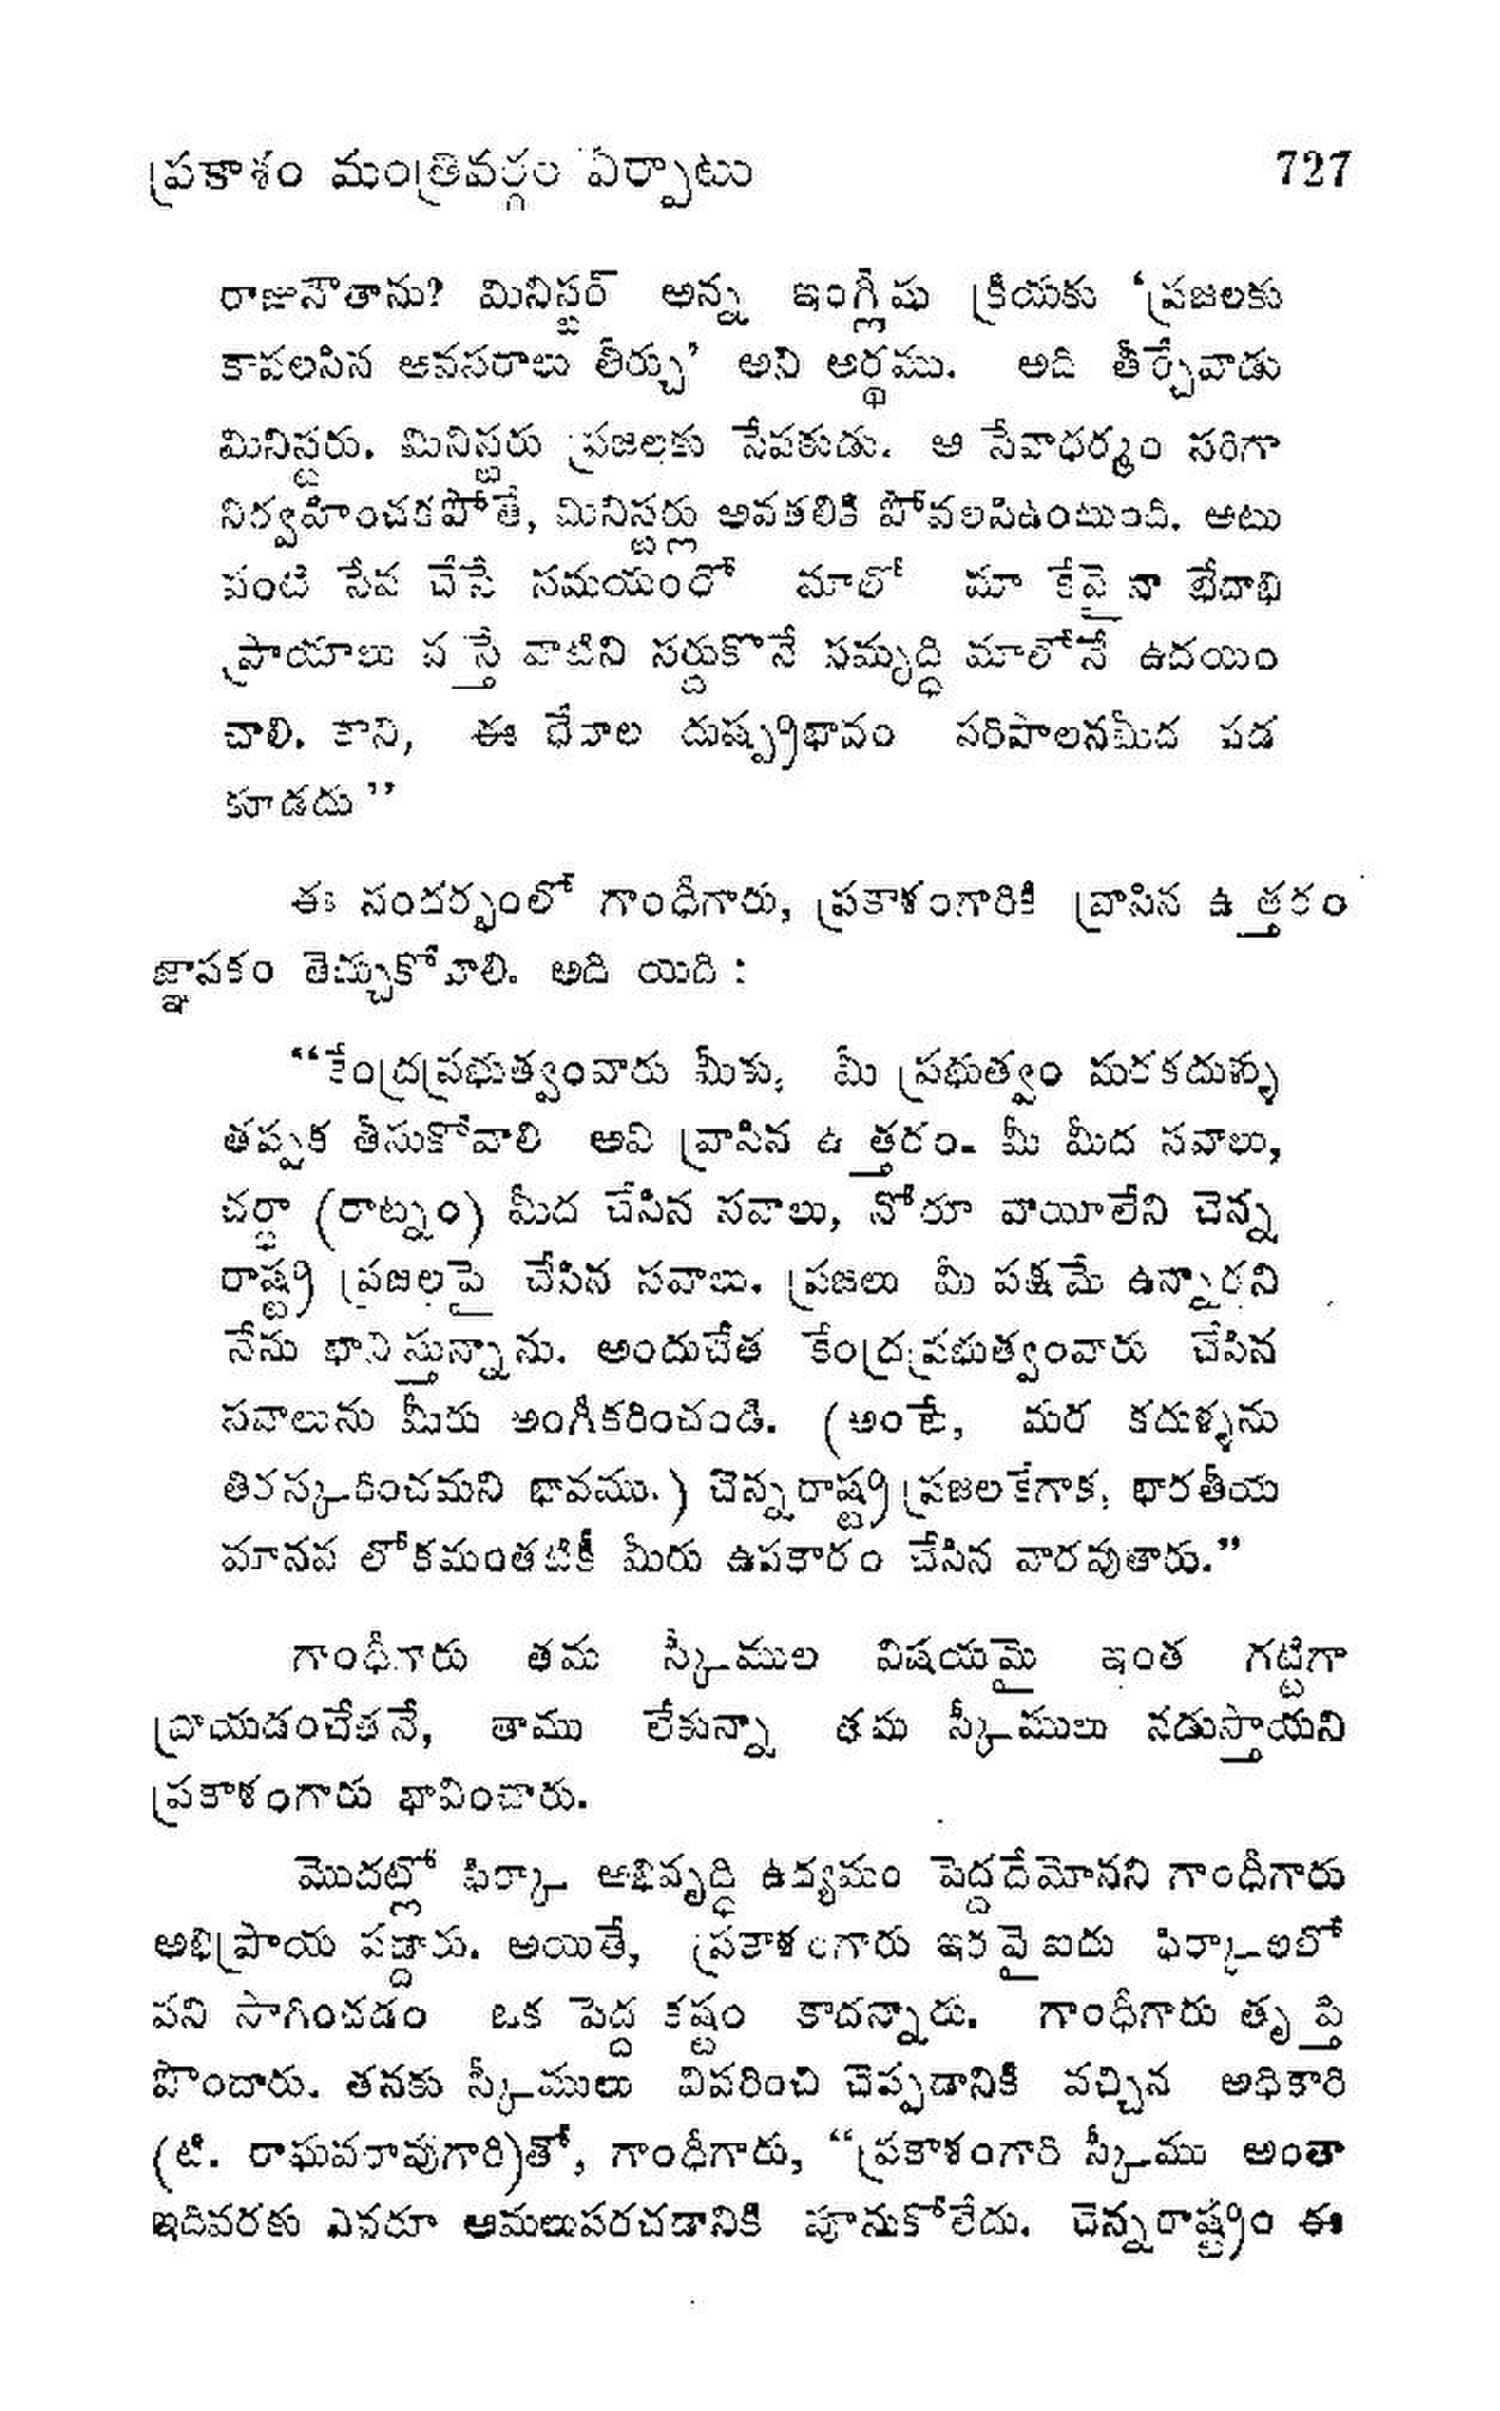రాజునౌతాను? మినిస్టర్ అన్న ఇంగ్లీషు క్రియకు 'ప్రజలకు కావలసిన అవసరాలు తీర్చు' అని అర్థము. అది తీర్చేవాడు మినిస్టరు. మినిస్టరు ప్రజలకు సేవకుడు. ఆ సేవాధర్మం సరిగా నిర్వహించకపోతే, మినిస్టర్లు అవతలికి పోవలసిఉంటుంది. అటువంటి సేవ చేసే సమయంలో మాలో మా కేవైనా భేదాభిప్రాయాలు వస్తే వాటిని సర్దుకొనే సమృద్ధి మాలోనే ఉదయించాలి. కాని, ఈ భేదాల దుష్ప్రభావం పరిపాలనమీద పడకూడదు"

ఈ సందర్భంలో గాంధీగారు, ప్రకాశంగారికి వ్రాసిన ఉత్తరం జ్ఞాపకం తెచ్చుకోవాలి. అది యిది:

"కేంద్రప్రభుత్వంవారు మీకు, మీ ప్రభుత్వం మరకదుళ్ళు తప్పక తీసుకోవాలి అని వ్రాసిన ఉత్తరం - మీ మీద సవాలు, చర్ఖా (రాట్నం) మీద చేసిన సవాలు, నోరూ వాయీలేని చెన్నరాష్ట్ర ప్రజలపై చేసిన సవాలు. ప్రజలు మీ పక్షమే ఉన్నారని నేను భావిస్తున్నాను. అందుచేత కేంద్రప్రభుత్వంవారు చేసిన సవాలును మీరు అంగీకరించండి. (అంటే, మర కదుళ్ళను తిరస్కరించమని భావము) చెన్నరాష్ట్ర ప్రజలకేగాక, భారతీయ మానవ లోకమంతటికీ మీరు ఉపకారం చేసిన వారవుతారు."

గాంధీగారు తమ స్కీముల విషయమై ఇంత గట్టిగా వ్రాయడంచేతనే, తాము లేకున్నా తమ స్కీములు నడుస్తాయని ప్రకాశంగారు భావించారు.

మొదట్లో ఫిర్కా అభివృద్ధి ఉద్యమం పెద్దదేమోనని గాంధీగారు అభిప్రాయ పడ్డారు. అయితే, ప్రకాశంగారు ఇరవైఐదు ఫిర్కాలలో పని సాగించడం ఒక పెద్ద కష్టం కాదన్నారు. గాంధీగారు తృప్తిపొందారు. తనకు స్కీములు వివరించి చెప్పడానికి వచ్చిన అధికారి (టి. రాఘవరావుగారి)తో, గాంధీగారు, "ప్రకాశంగారి స్కీము అంతా ఇదివరకు ఎవరూ అమలుపరచడానికి పూనుకోలేదు. చెన్నరాష్ట్రం ఈ